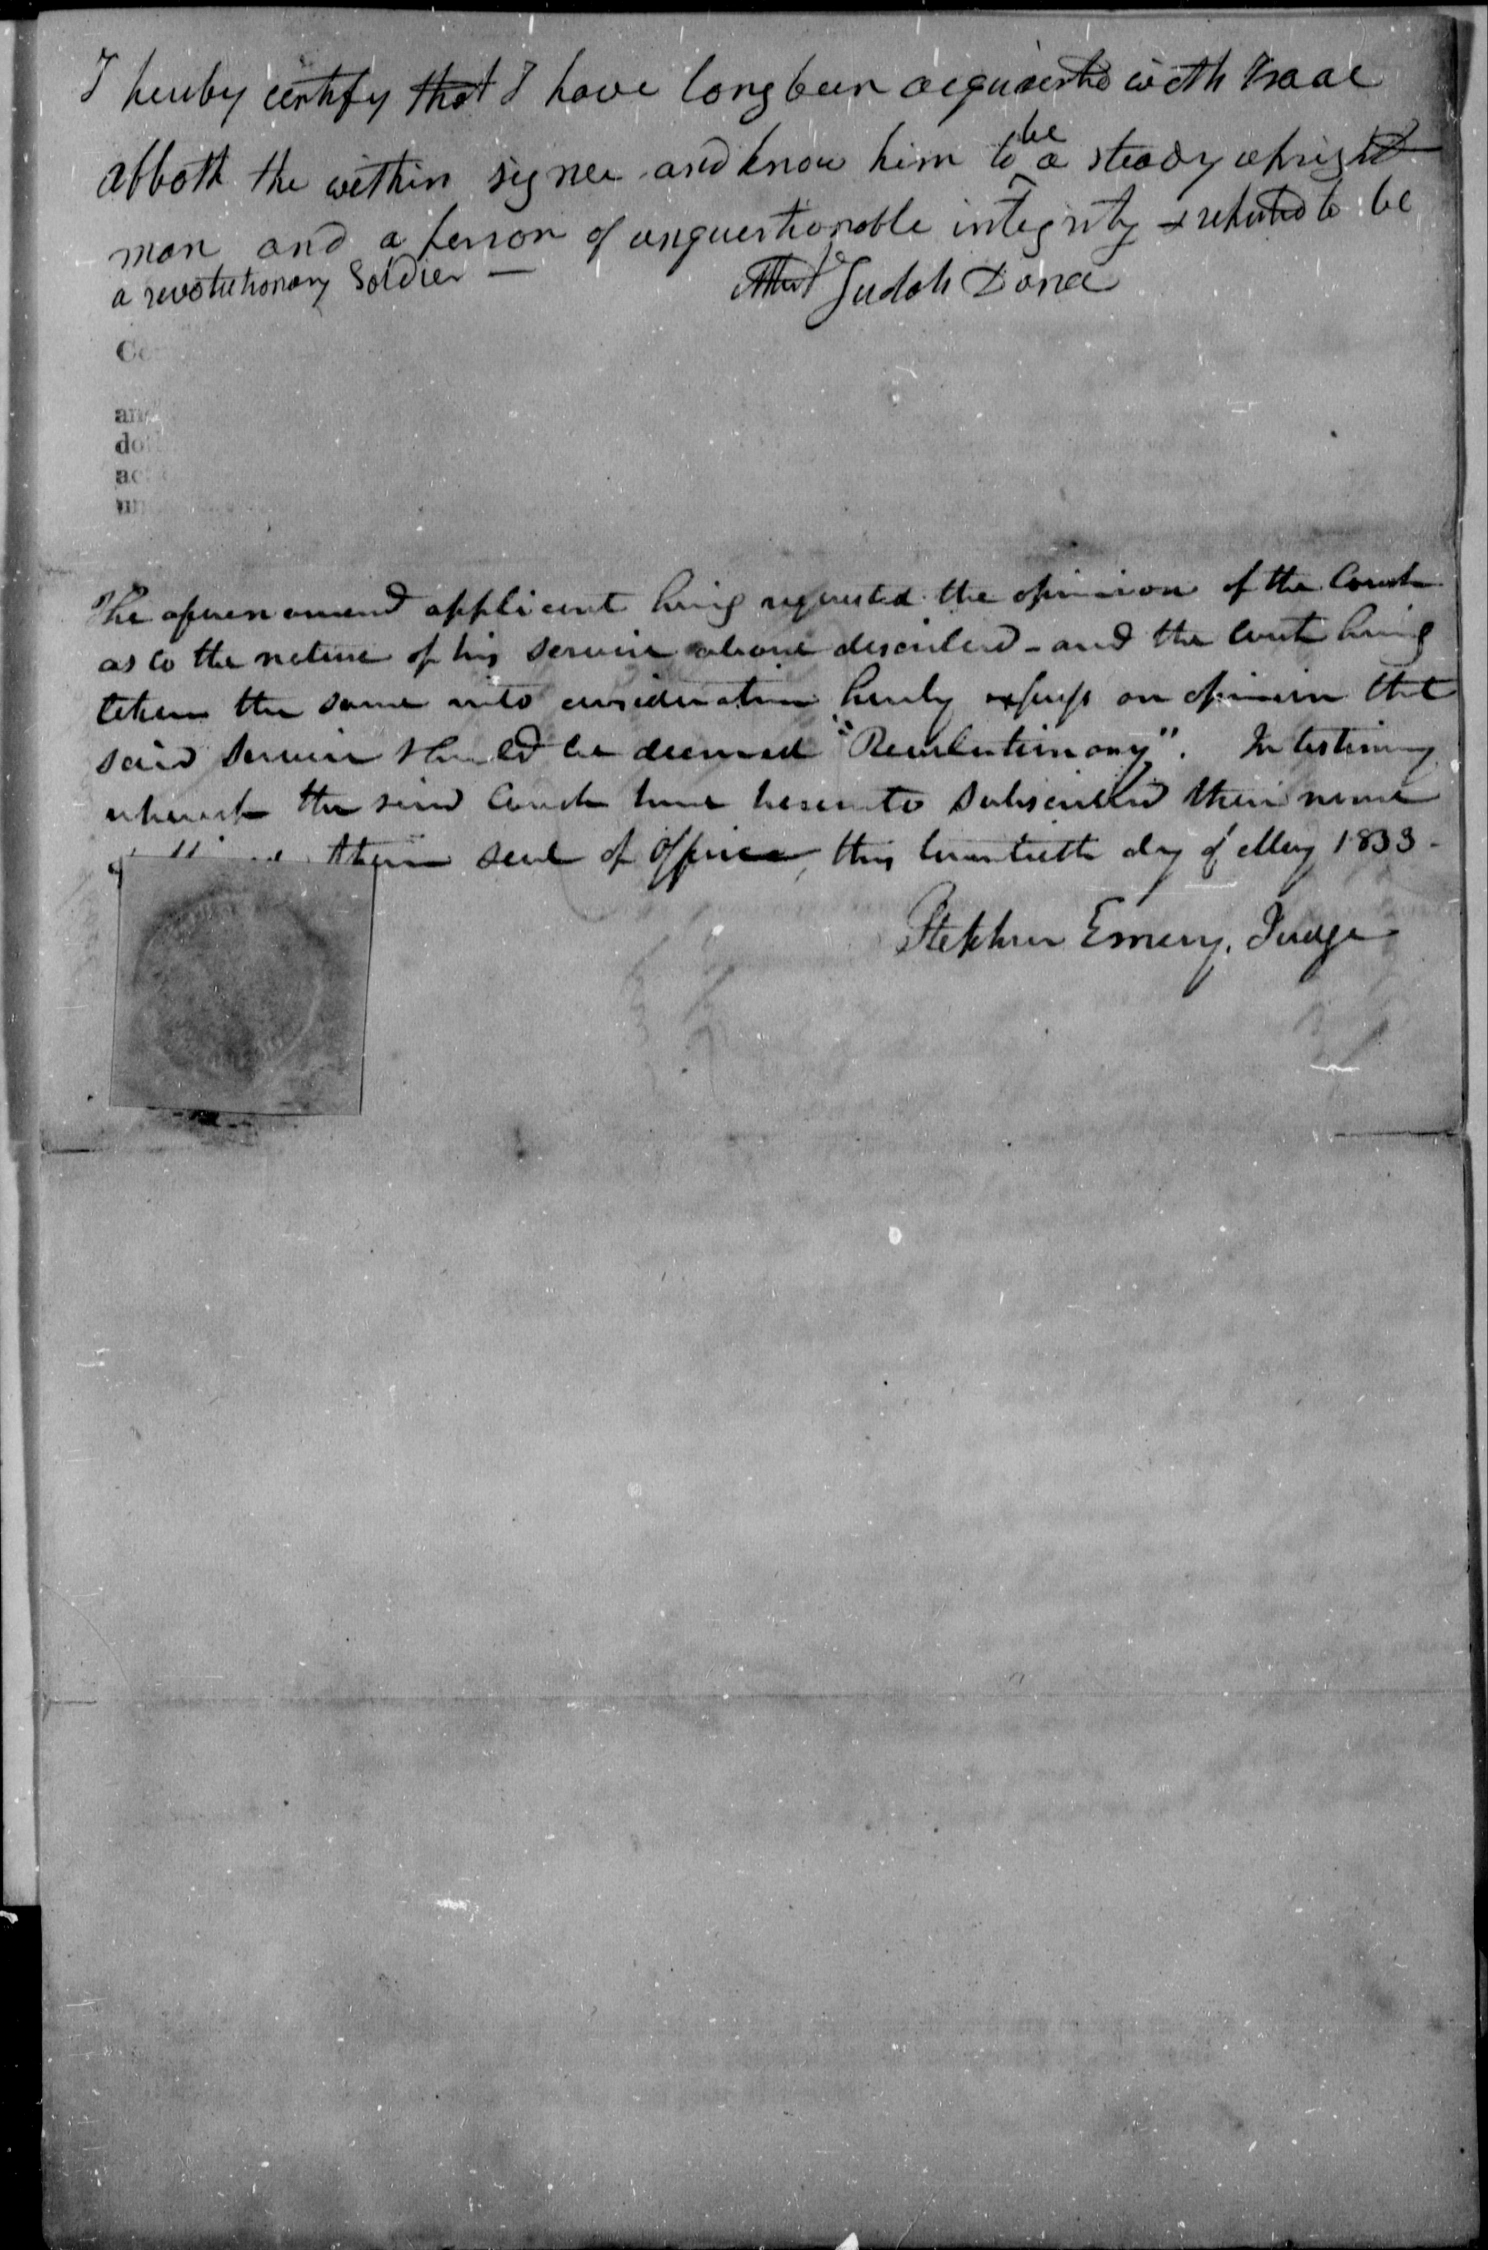I hereby certify that I have long been acquainted with those Isaac Abbott, the within signer and know him to be a steady [illegible] man and a person of unquestionable integrity + [illegible] to be a Revolutionary Soldier -
[illegible] [SIGNED: Judah Dance]



The aforementioned applicant being requested the opinion of the Courts as to the nature of his service above described and the Courts being taken the same into consideration hereby [illegible] an opinion that said service stated as "Revolutionary." In testimony whereas the said Courts have hereunto subscribed their name + affixed their seal of office this twentieth day of May 1833.

[SIGNED: Stephen Emery] Judge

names: Stephen Emery, Isaac Abbott, Judah Dona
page: 6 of 86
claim: survivor's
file: S 29,568, Isaac Abbot, Mass